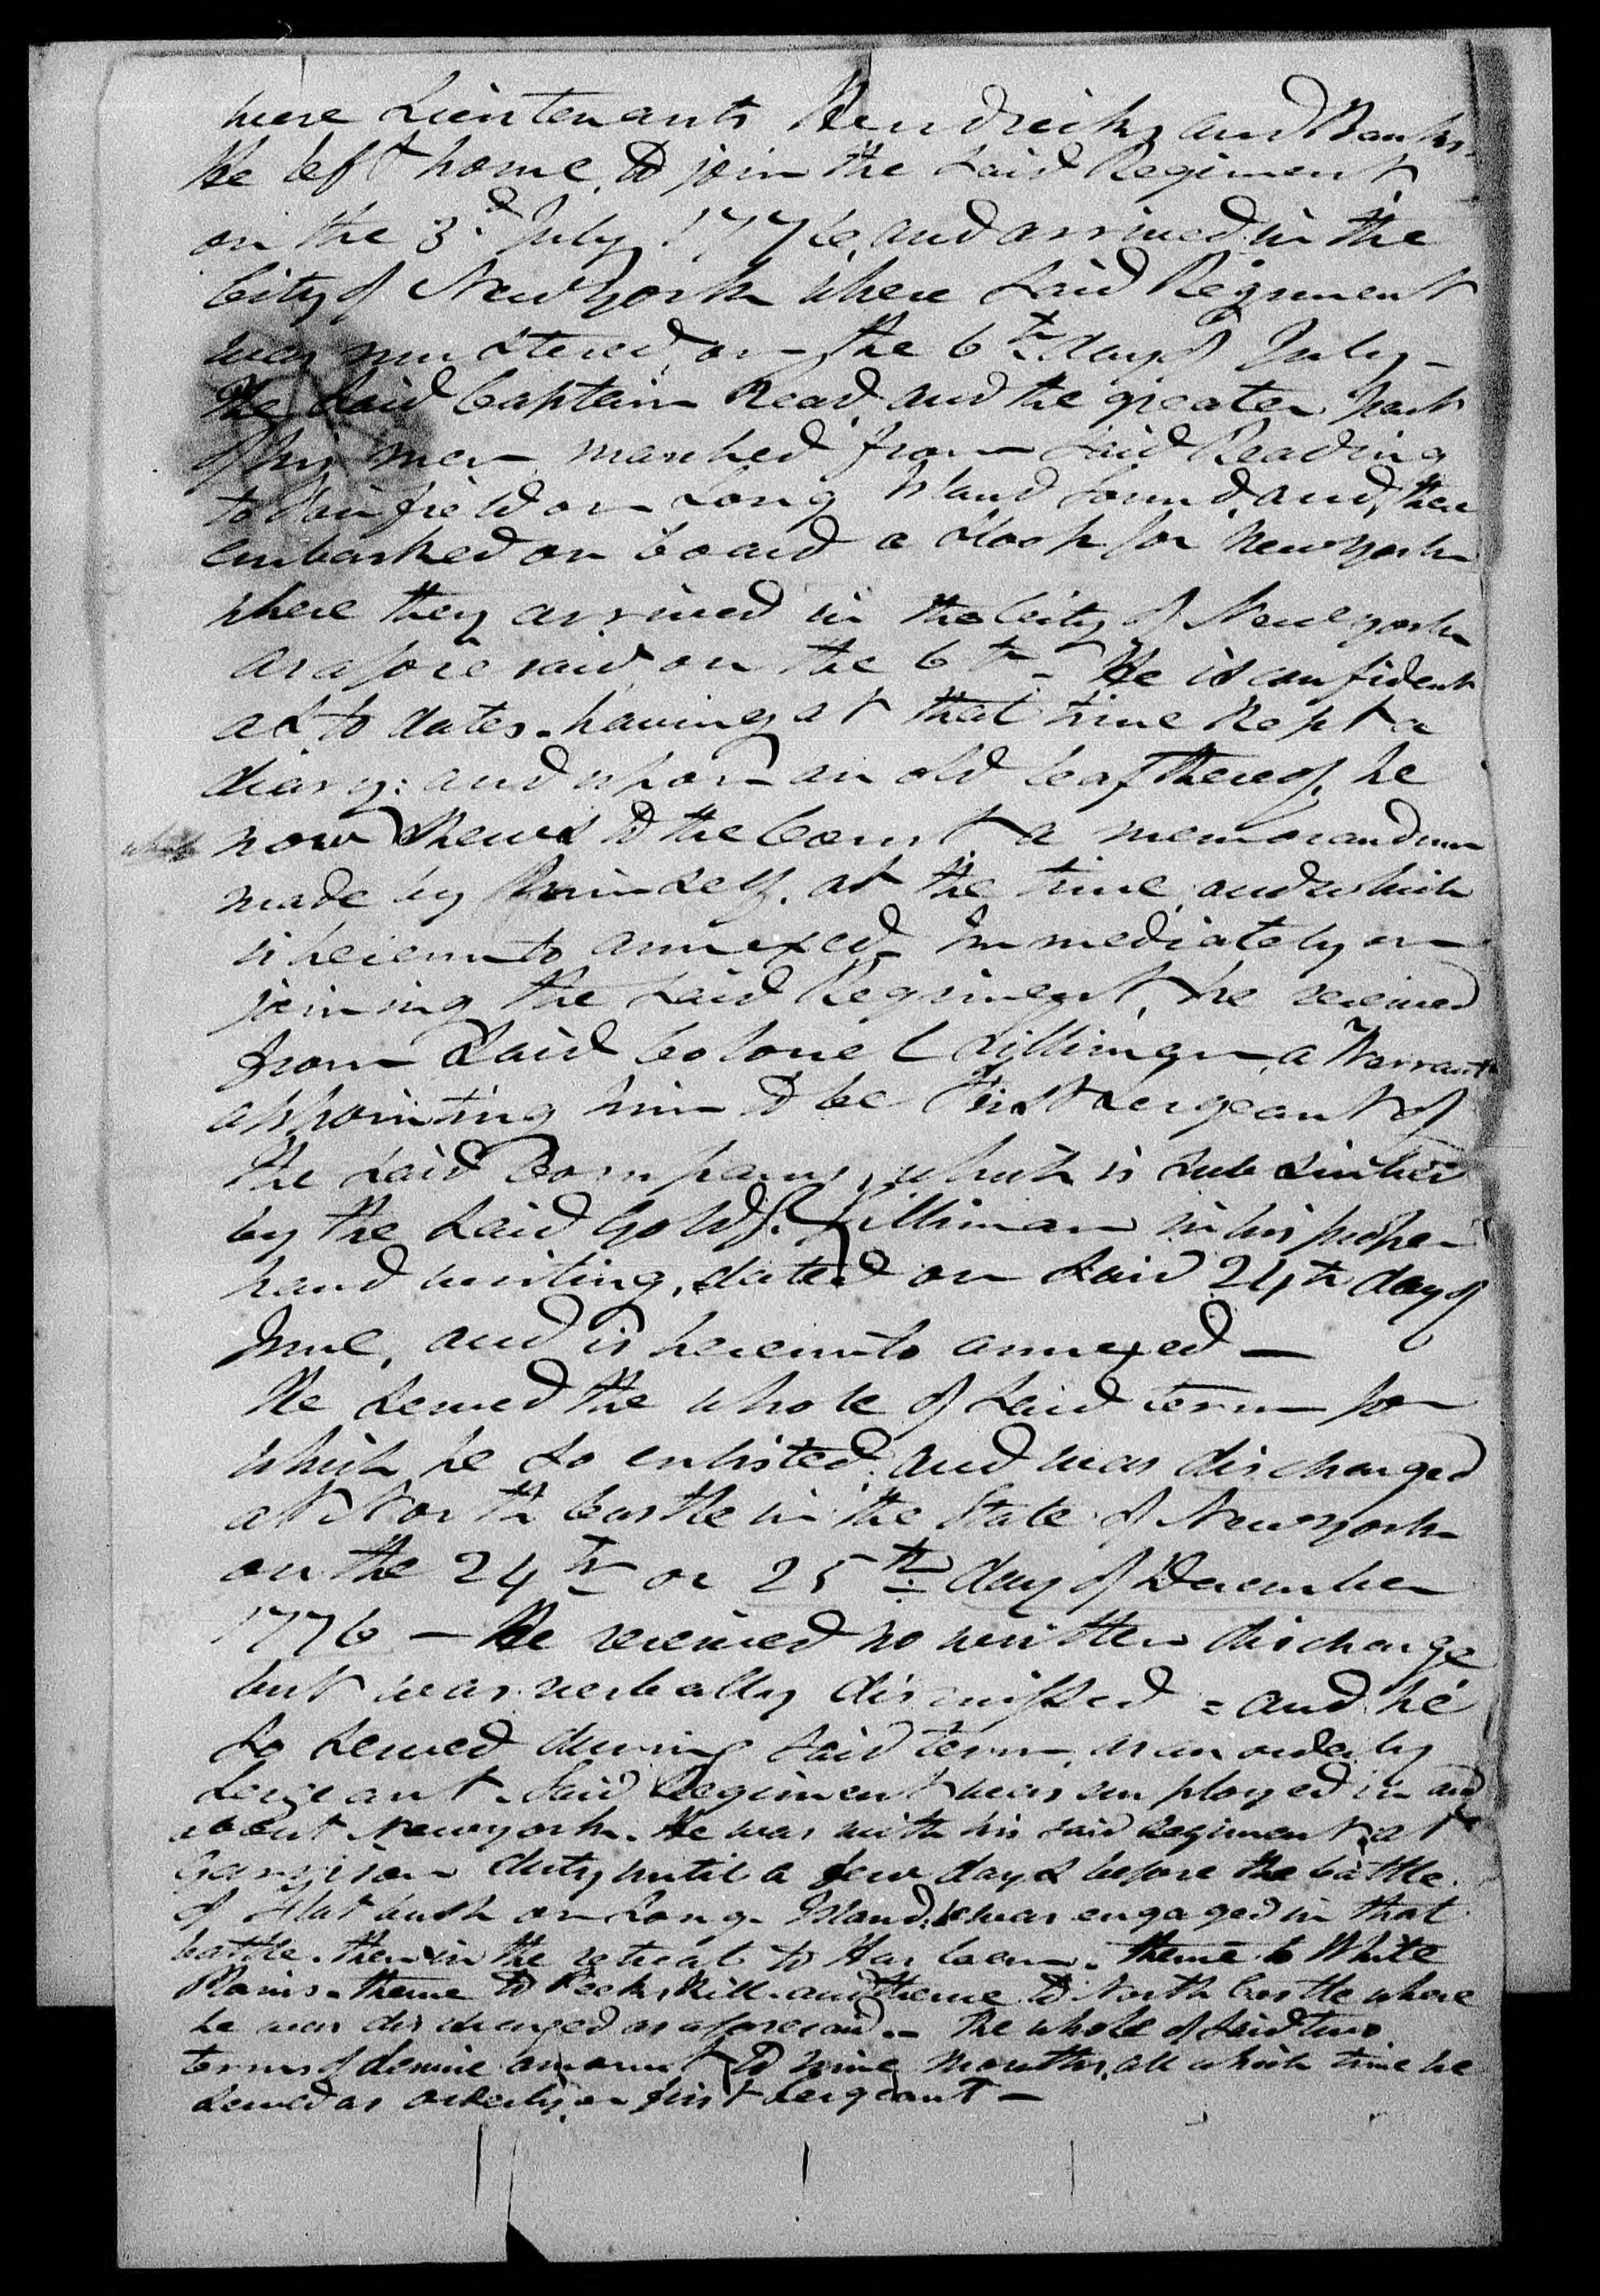were Lieutenants Hendricks and Banks.  He left home, to join the said Regiment on the 3d July, and arrived in the City of New York where said Regiment was mustered on the 6th day July.  The said Captain Read and he greater part his men  Marched from said Reading to Fairfield on Long Island Sound and there embarked on board a Sloop for New York, where they arrived in the City of New York aforesaid on the 6th.  He is confident as to the dates having at that time kept his diary and upon in old entry thereof he now shewed to the court a memorandum made by himself at the time and which hereunto annexed.  Immediately on joining the said Regiment, he received from said Colonel Silliman a Warrant appointing to be said Sergeant of the said Company, which is subscribed by the said Gold S. Silliman in his proper hand writing, dated on said 25th day of June, and is hereunto annexed.  He served the whole of said term for which he so enlisted and was discharged at North Castle in the State of New York on the 24th or 25th day of December 1776.  He received no written discharge but was verbally dismissed and he so served during said term an orderly sergeant.  Said Regiment was employed in and about New York. He was with his said Regiment at Garrison duty until a few days before the battle of Flat Bush on Long Island was engaged in that Battle.  Then in the retreat to Harlaem, thence White Plains, thence to Peekskill and there to North Castle where he was discharged as aforesaid. The whole of Said two terms of Service amount to nine months, all which time he acted as Orderly or first Sergeant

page: 4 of 29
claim: survivor's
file: S. 23,312, for Samuel Mallery, Connecticut